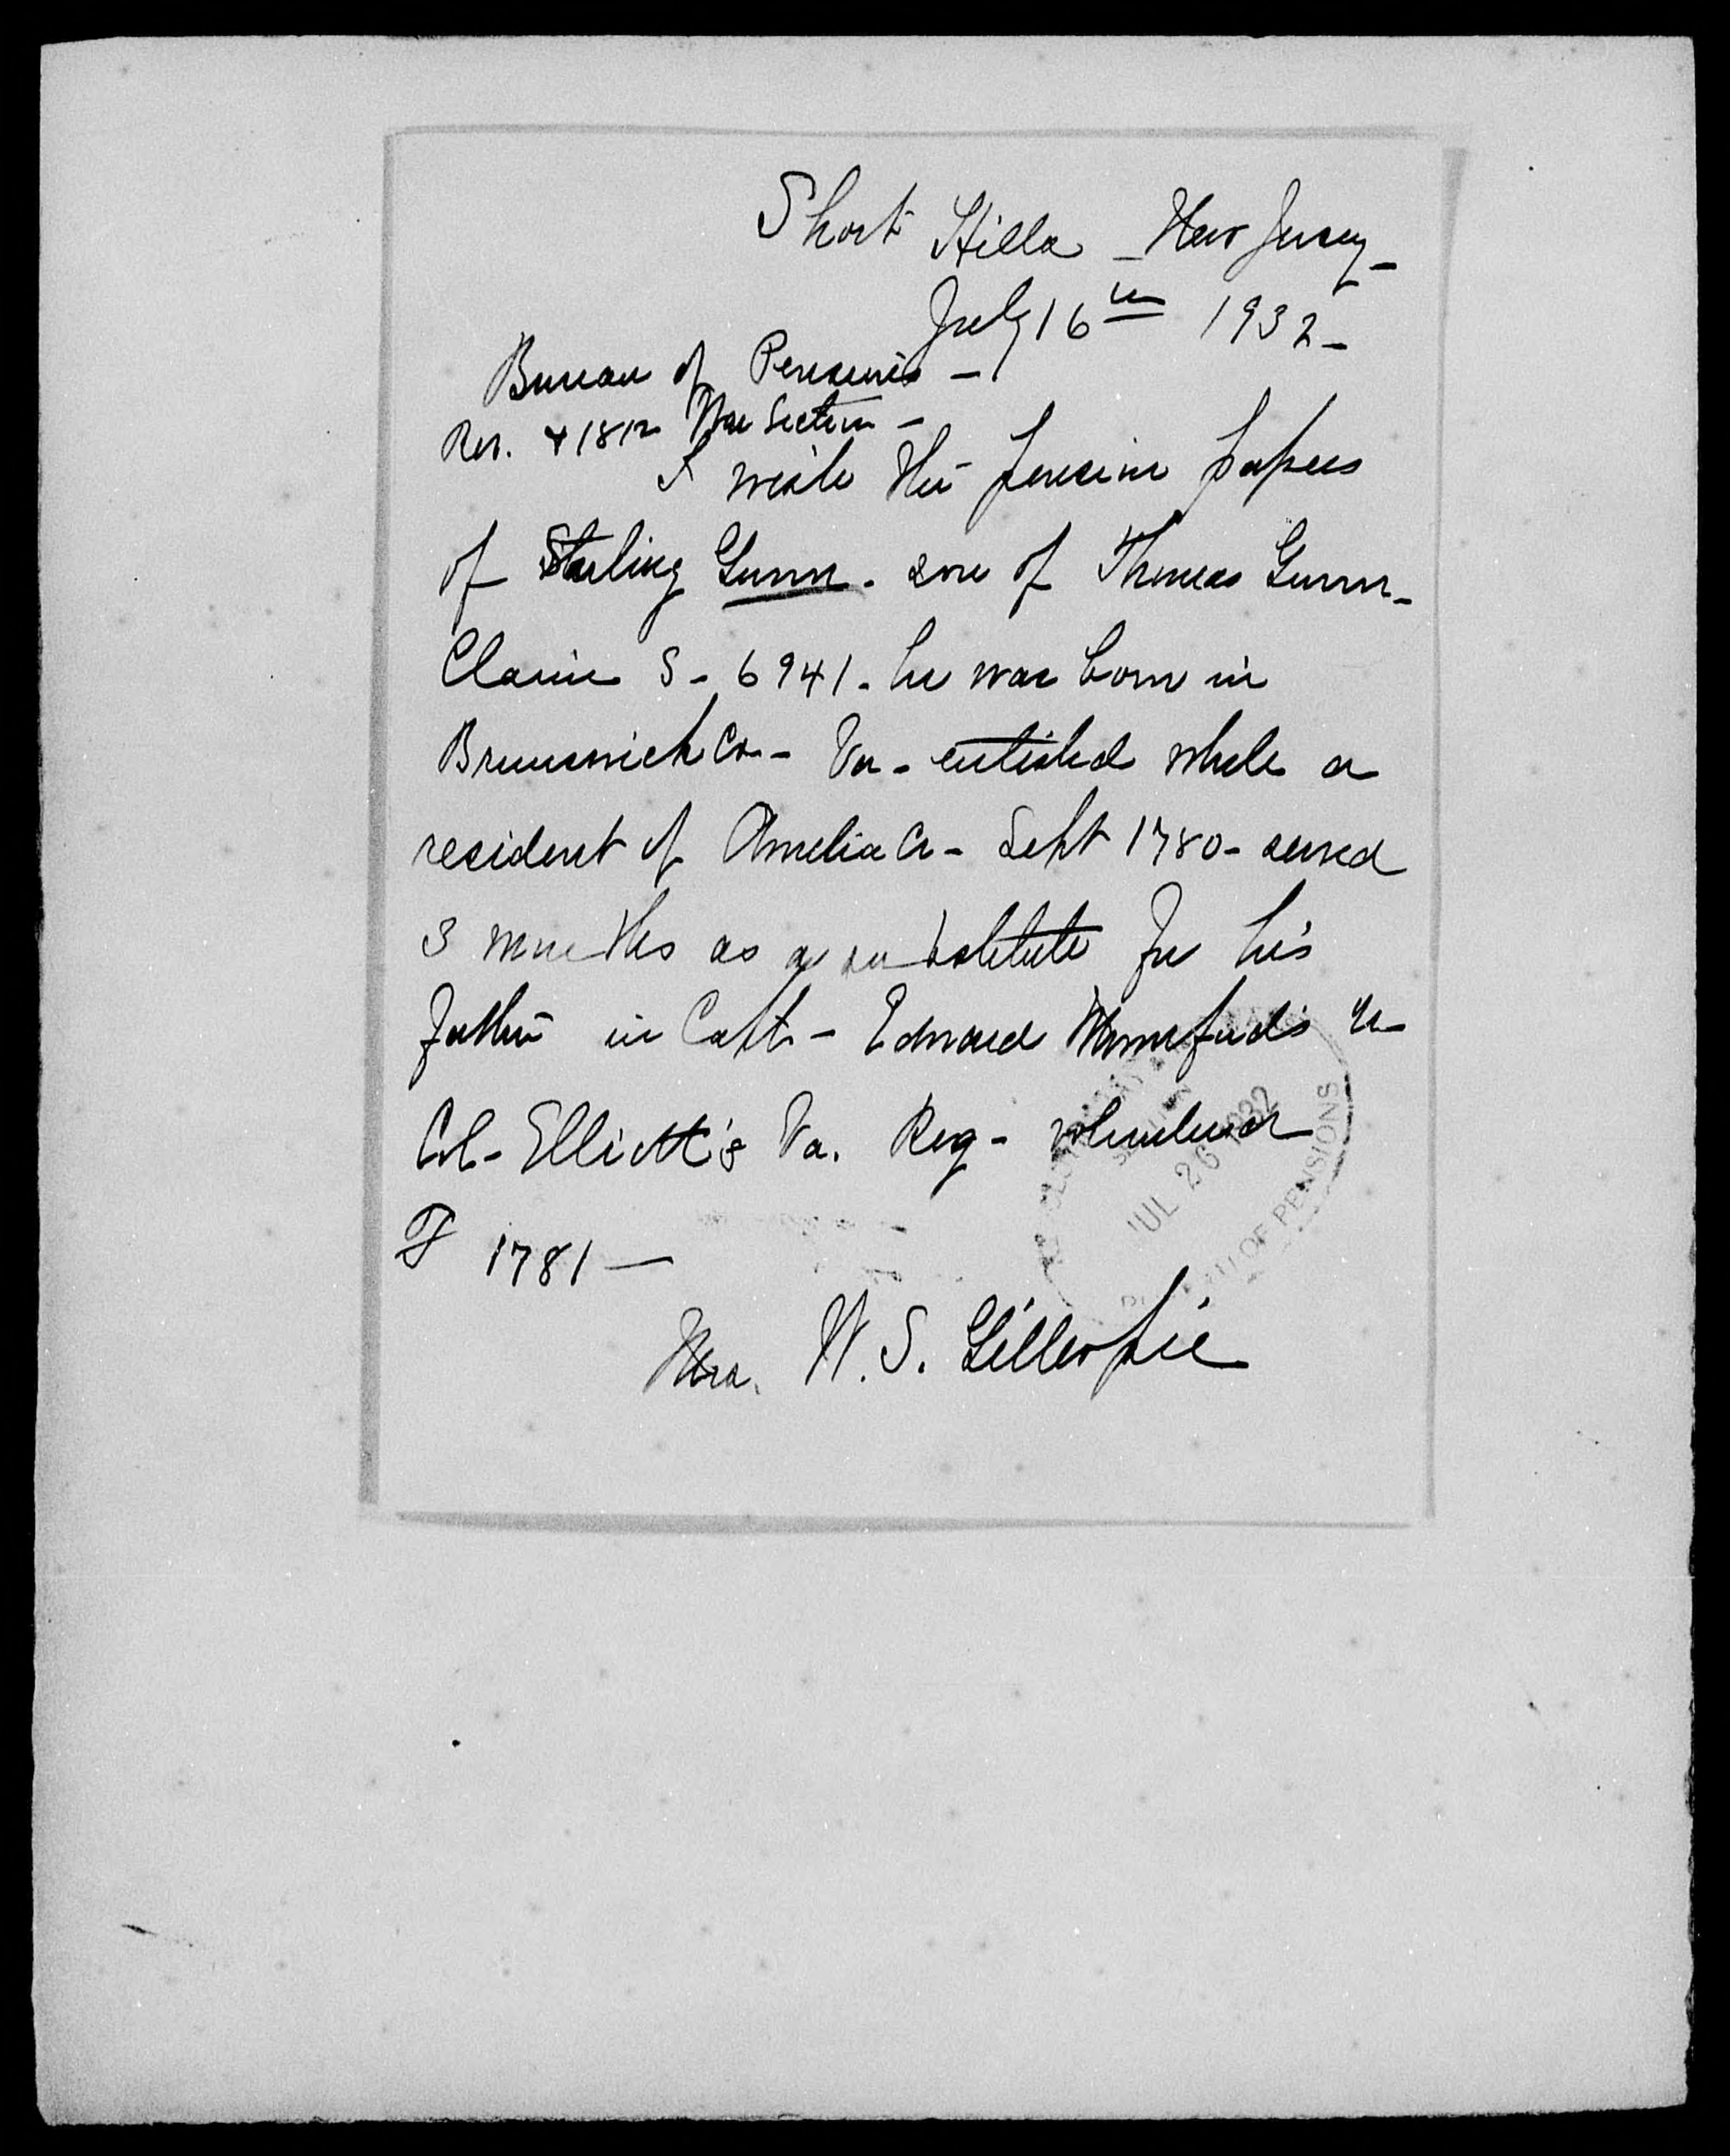Short Hills .New Jersey.
July 16th 1932.
Bureau of Pensions.
Rev. & 1812 War Section.
I wish the Pension papers of Starling Gunn.  son of Thomas Gunn.  Claim S. 6941.  he was born in Brunswick Co. Va. enlisted while a resident of Amelia Co. Sept 1780. served 3 months as a substitute for his father in Capt. Edward Mumford's Co. Col. Elliott's Va. Reg.  volunteers of 1781.
Mrs. W.S. Gillespie

[Stamp:]
REVOLUTIONARY & 1812 WARS SECTION
JUL 26  1932
BUREAU OF PENSIONS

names: Starling Gunn, Edward Mumford, W S Gillespie, Thomas Gunn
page: 37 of 58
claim: survivor's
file: S. 6,941, Starling Gunn, Continental Va.